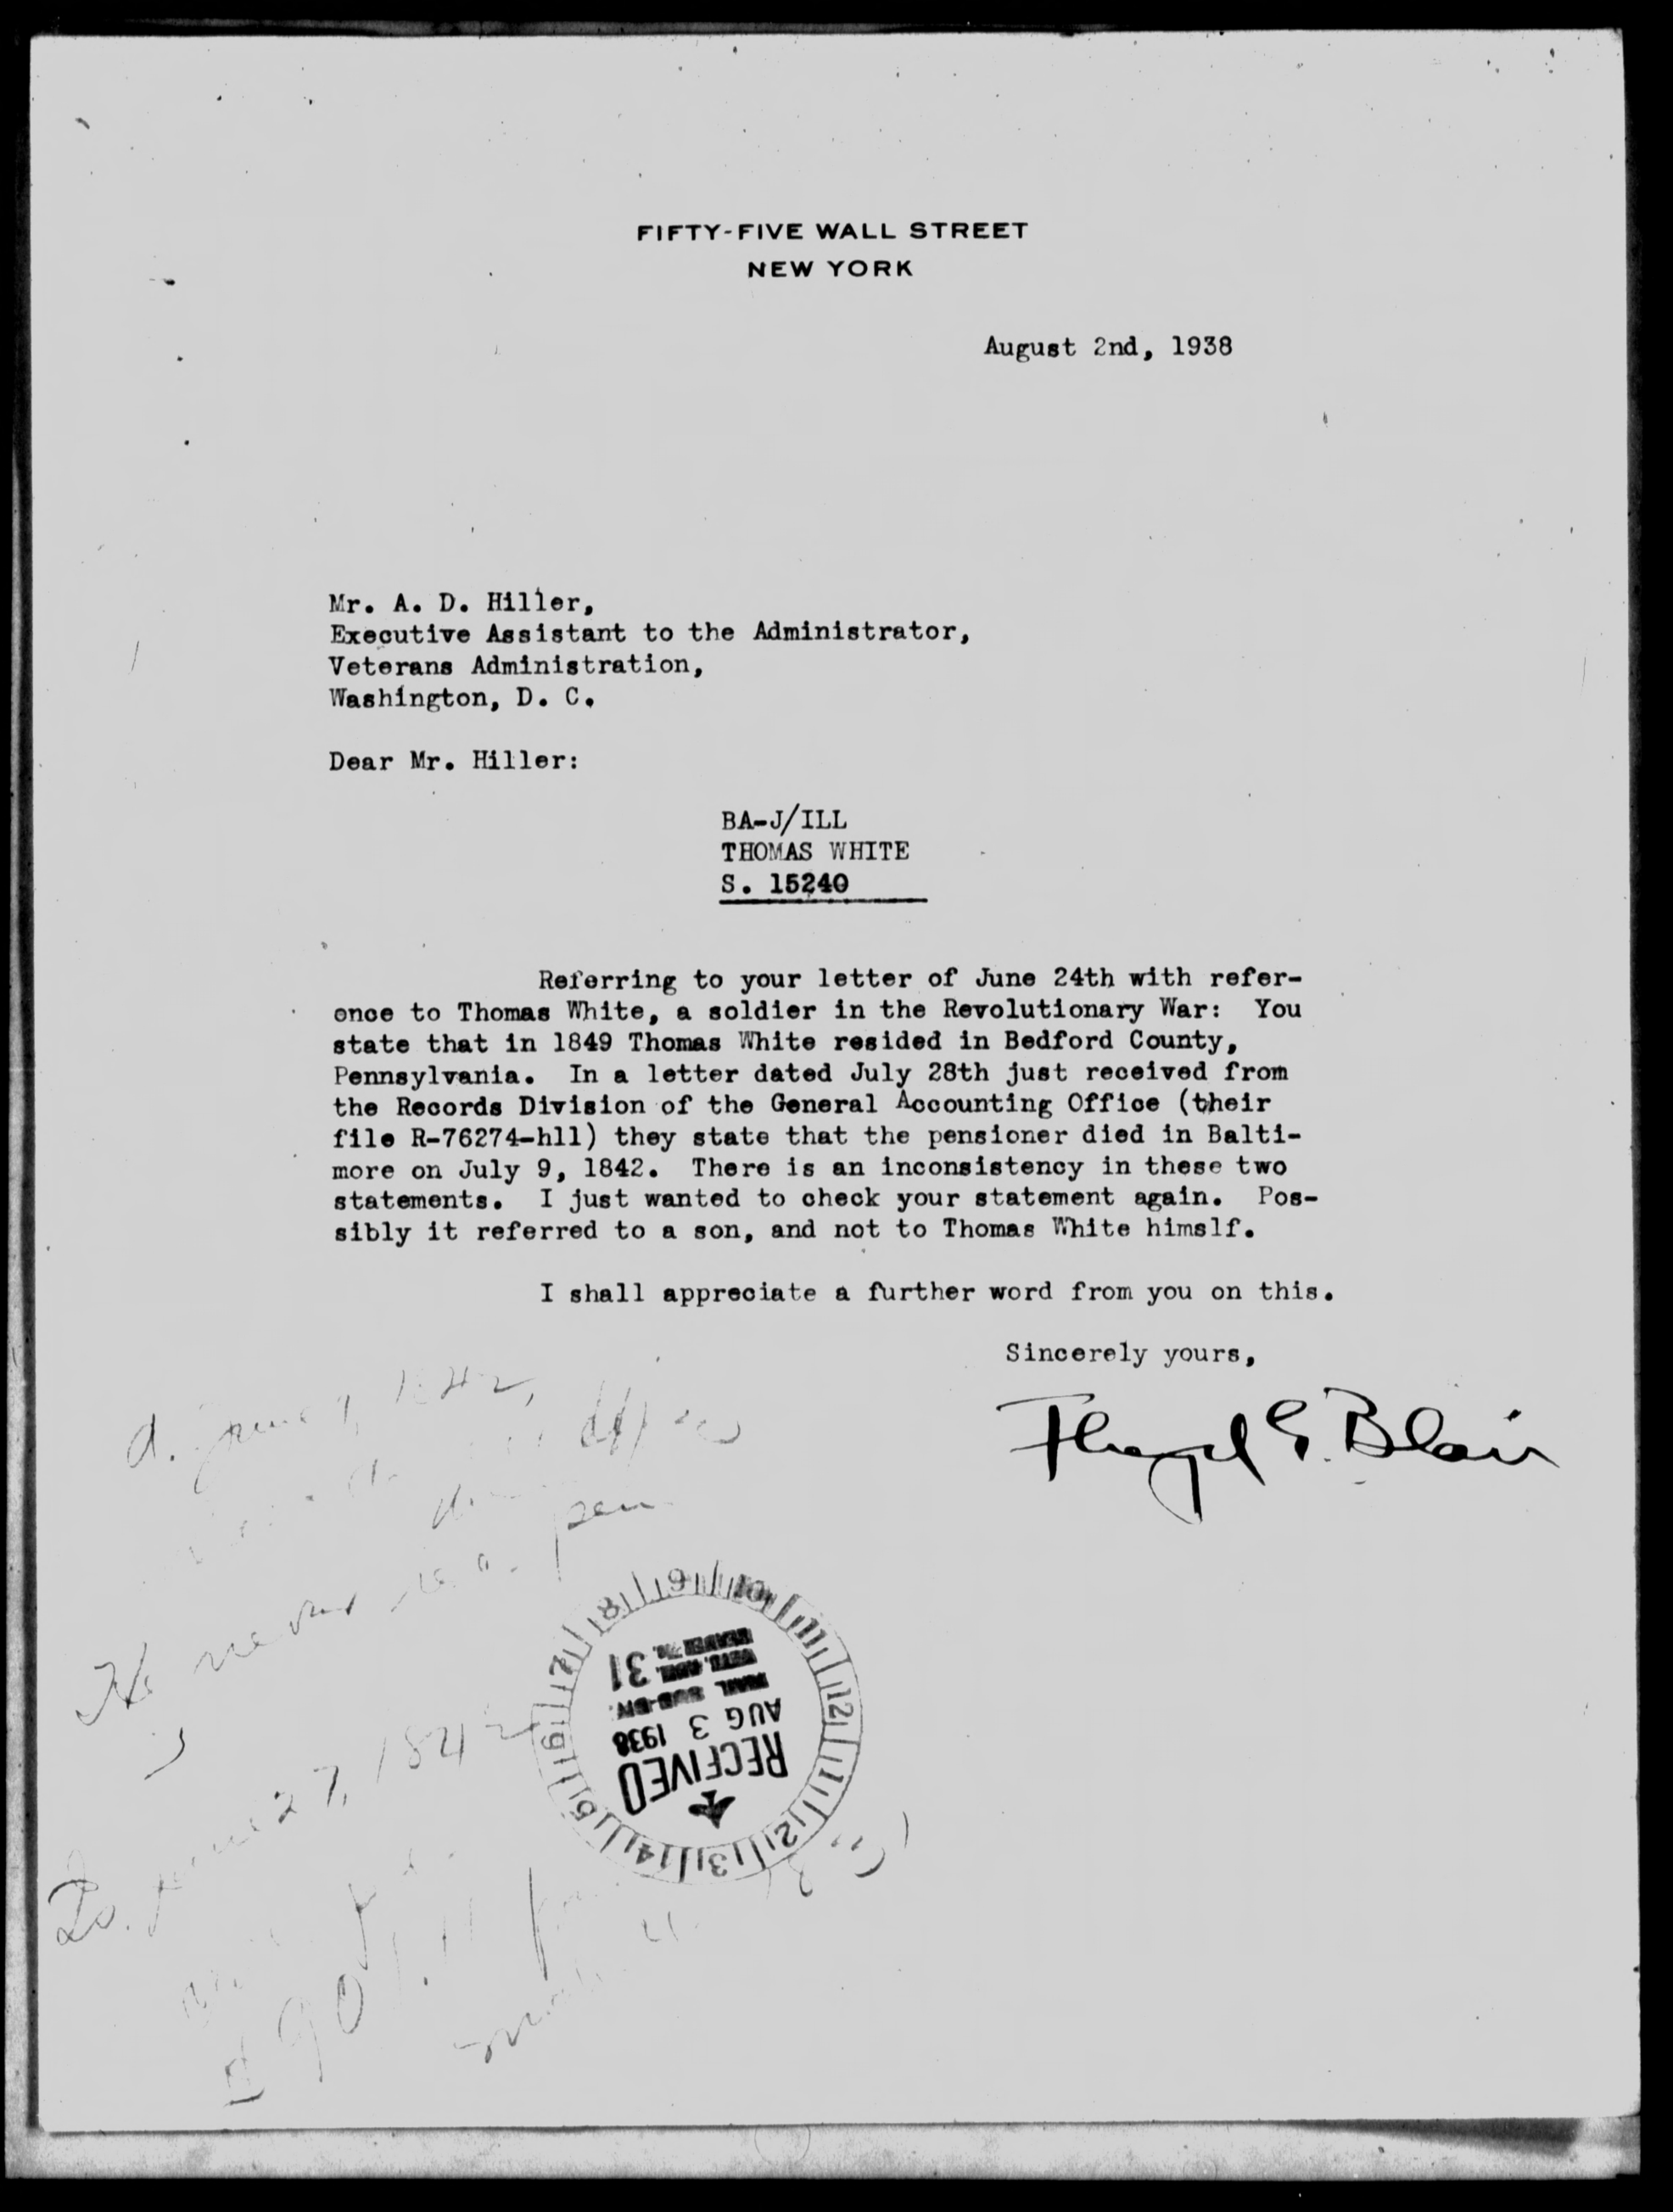FIFTY-FIVE WALL STREET 
NEW YORK

August 2nd, 1938

Mr. A. D. Hiller, 
Executive Assistant to the Administrator, 
Veterans Administration, 
Washington, D. C.

Dear Mr. Hiller:

BA-J/IILL
THOMAS WHITE
S. 15240
______________

Referring to you letter of June 24th with refer
ence to Thomas White, a soldier in the Revolutionary War: You 
state that in 1849 Thomas White resided in Bedford County, 
Pennsylvania.  In a letter dated July 28th just received from 
the Records Division of the General Accounting Office (their 
file R-76274-hll) they state that the pensioner died in Balti
more on July 9, 1842.  There is an inconsistency in these two 
statements.  I just wanted to check your statement again.  Pos
sibly it referred to a son, and not to Thomas White himself.

I shall appreciate a further word from you on this.

Sincerely yours, 

Floyd G. Blair

[Notes] d. June 9, 1842
[illegible note]
He never re a pen
Is. June 27, 1842
[illegible note]
$901.11 from
Mch 4 1831

[Circular time and mail receipt stamp]
Arrow pointing to 3
RECEIVED 
AUG 3 1938
MAIL SUB-DIV.
VETS. ADM.
READER NO. 31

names: Thomas White, A D Hiller, Floyd G Blair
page: 32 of 43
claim: survivor's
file: S. 15240, Thomas White, Md.